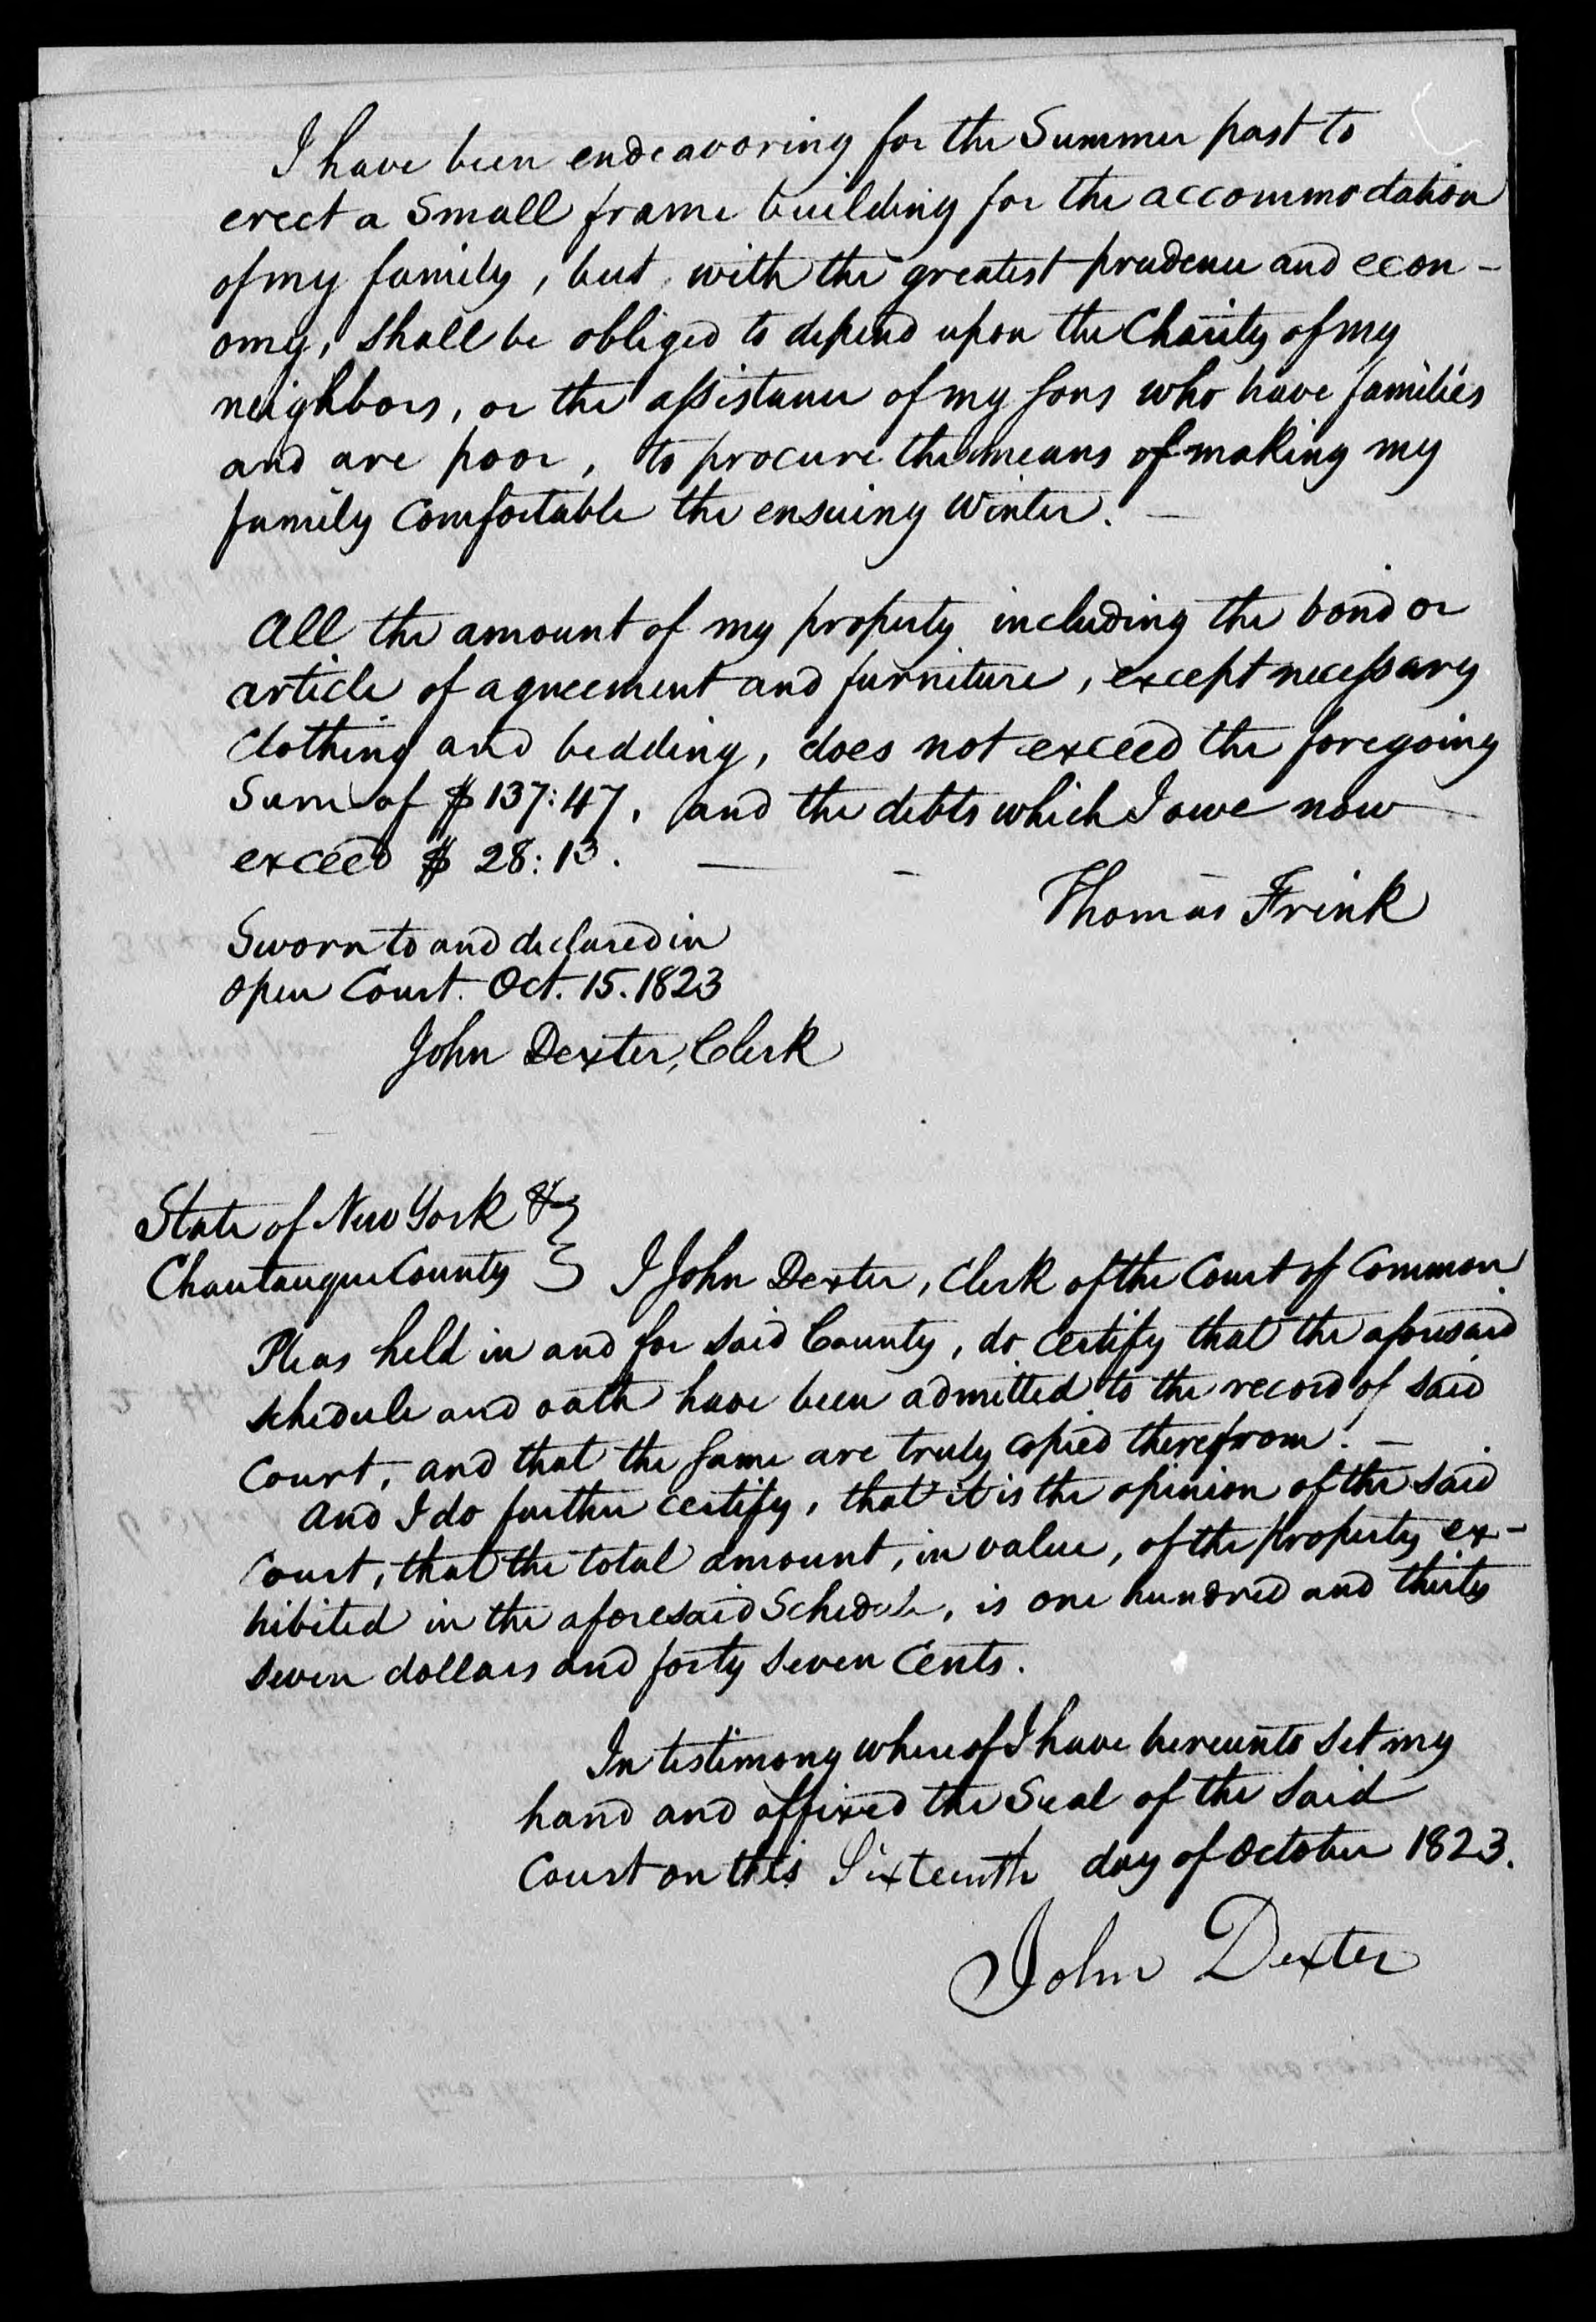I have been endeavoring for the summer past to erect a small frame building for the accommodation of my family, but, with the greatest prudence and economy, shall be obliged to depend upon the charity of my neighbors, or the assistance of my sons who have families and are poor, to procure the means of making my family comfortable the ensuing winter.
All the amount of my property including the bond or article of agreement and furniture, except necessary clothing and bedding, does not exceed the foregoing sum of $137.47, and the debts which I owe now exceed $28.13.
                                           Thomas Frink

Sworn to and declared in
open court Oct. 15, 1823
John Dexter, Clerk

State of New York
Chautauqua County
I, John Dexter, Clerk of the Court of Common Pleasheld in and for said county, do certify that the aforesaid schedule and oath have been admimtted to the record of said court, and that thesame are truly copied there from.  And I do further certify, that it is the opinion of the said court, that the total amount, in value, of the property exhibited in the aforesaid schedule, is one hundred and thirty seven dollars and forty seven cents.
In testimony whereof I have hereunto set my hand and affixed the Seal of the said Court on this Sixteenth day of October 1823
John Dexter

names: John Dexter, John Dexter, John Dexter, Thomas Frink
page: 9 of 33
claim: survivor's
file: S 43571, Thomas Frink, Mass.